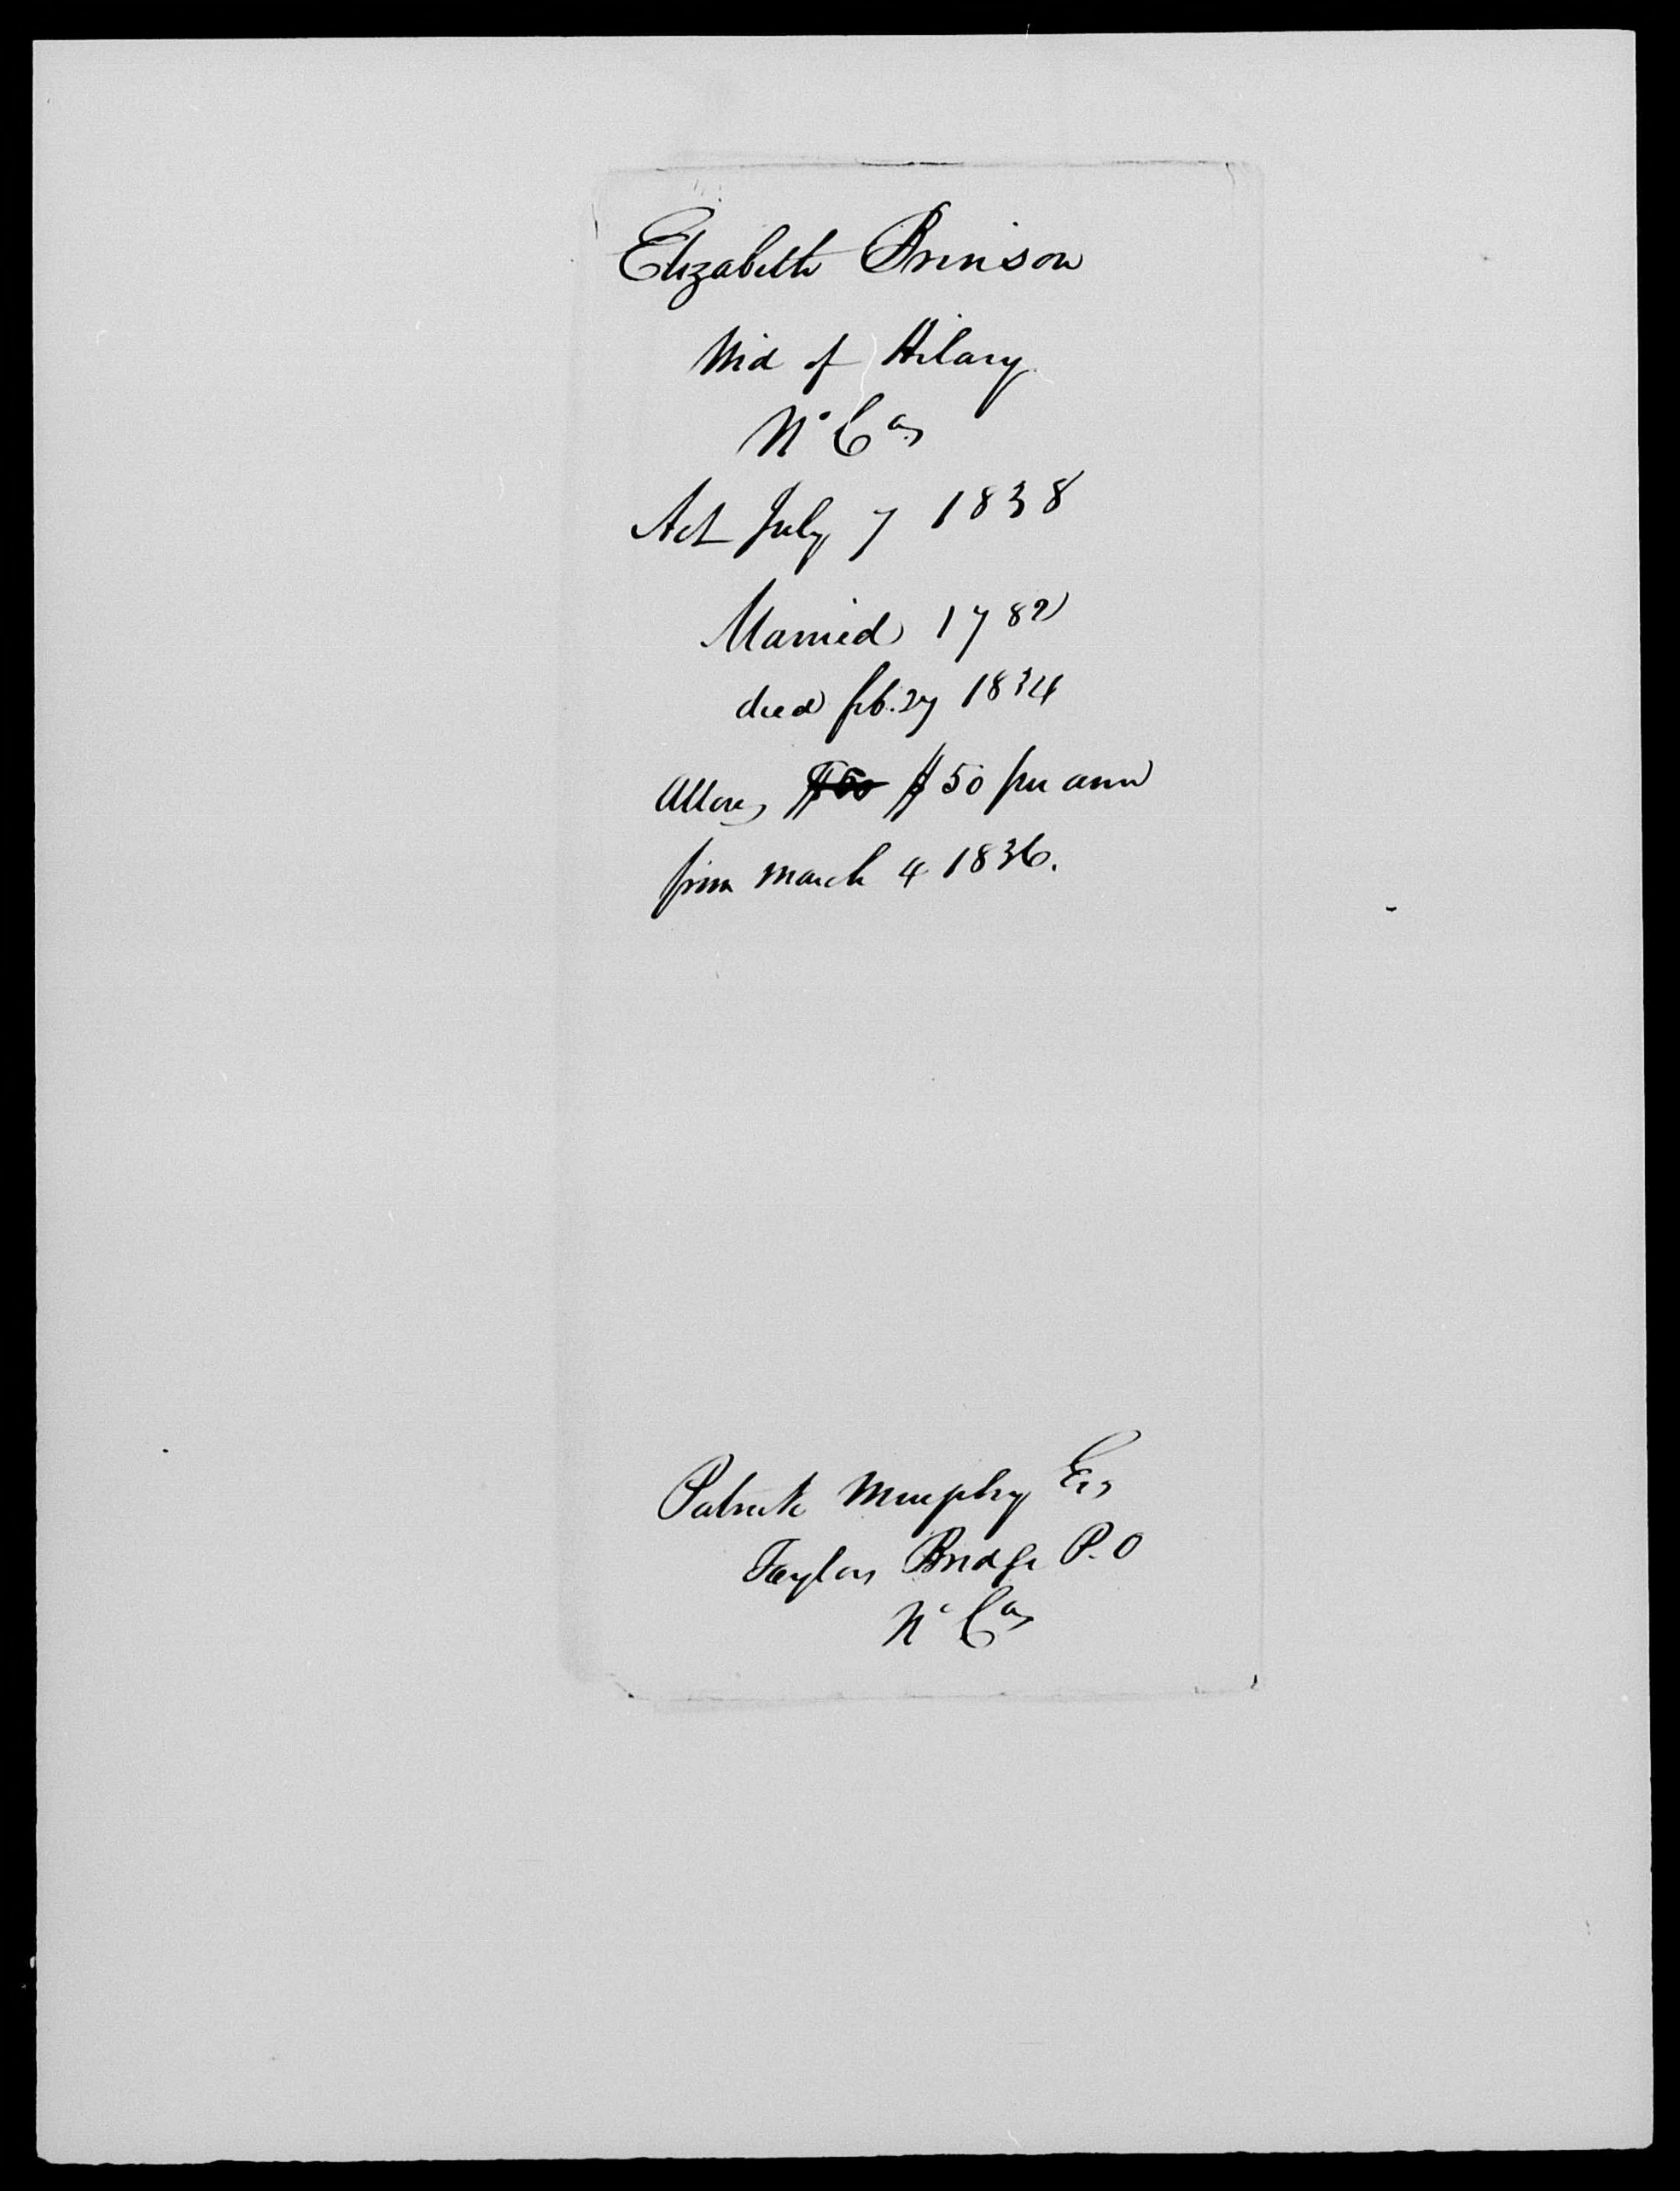Elizabeth Brinson
Wid of Hilary
NC
Act July 7 1838
Married 1782
died feby 1834
Allow $50 per ann
from March 4 1836

Patrick Murphy Esq
Taylar [illegible] PO
NoCa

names: Patrick Murphy, Taylor, Elizabeth Brinson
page: 17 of 38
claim: widow's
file: W. 5231, Hilary Brinson, N.C.